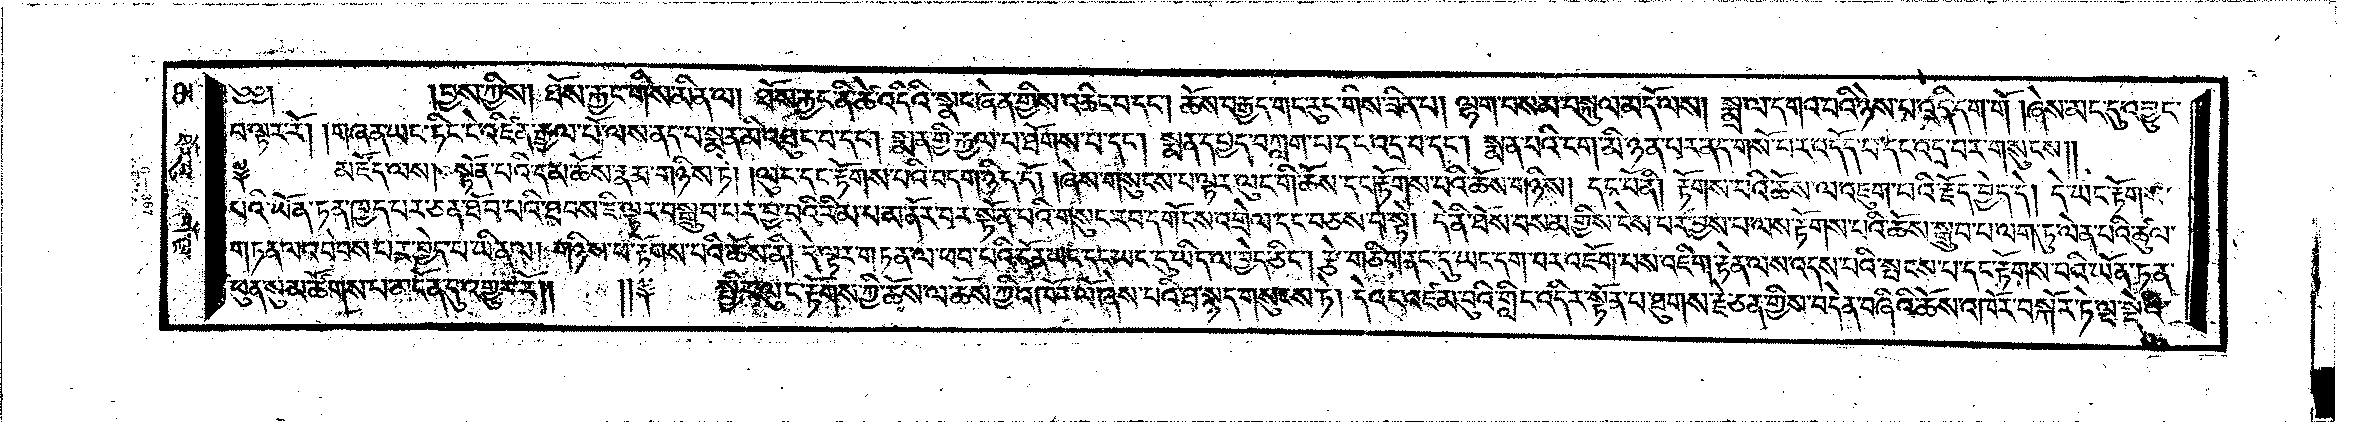༄༅། །བྱས་ཀྱིས། ཐོས་རྐྱང་གིས་མིན་ལ། ཐོས་རྐྱང་ནི་ཚེ་འདིའི་སྣང་ཞེན་གྱིས་འཆིང་བ་དང་། ཆོས་བརྒྱད་གང་རུང་གིས་ཟིན་པ། ལྷག་བསམ་བསྐུལ་མདོ་ལས། སྨྲ་ལ་དགའ་བའི་ཉེས་པ་འདི་དག་གོ །ཞེས་མང་དུ་འབྱུང་
བ་ལྟར་རོ། །གཞན་ཡང་ཏིང་ངེ་འཛིན་རྒྱལ་པོ་ལས་ནད་པ་སྨན་མི་འཐུང་བ་དང་། སྨན་གྱི་རྒྱལ་པ་ཐོགས་པ་དང་། སྨན་དཔྱད་བཀླག་པ་དང་འདྲ་བ་དང་། སྨན་པའི་ངག་མི་ཉན་པར་ནད་གསོ་བར་འདོད་པ་དང་འདྲ་བར་གསུངས།།
༈ མཛོད་ལས། སྟོན་པའི་དམ་ཆོས་རྣམ་གཉིས་ཏེ། །ལུང་དང་རྟོགས་པའི་བདག་ཉིད་དོ། །ཞེས་གསུངས་པ་ལྟར་ལུང་གི་ཆོས་དང་རྟོགས་པའི་ཆོས་གཉིས། དང་པོ་ནི། རྟོགས་པའི་ཆོས་ལ་འཇུག་པའི་རྗོད་བྱེད་དེ། དེ་ཡང་རྟོགས་
པའི་ཡོན་ཏན་ཁྱད་པར་ཅན་ཐོབ་པའི་ཐབས་ཇི་ལྟར་བསྒྲུབ་པར་བྱ་བའི་རིམ་པ་མ་ནོར་བར་སྟོན་པའི་གསུང་རབ་དགོངས་འགྲེལ་དང་བཅས་བ་སྟེ། དེ་ནི་ཐོས་བསམ་གྱིས་ངེས་པར་བྱས་པ་ལས་རྟོགས་པའི་ཆོས་སྒྲུབ་པ་ལག་ཏུ་ལེན་པའི་ཚུལ་
གཏན་ལ་འབེབས་པར་བྱེད་པ་ཡིན་ལ། གཉིས་པ་རྟོགས་པའི་ཆོས་ནི། དེ་ལྟར་གཏན་ལ་ཕབ་པའི་དོན་ཡང་དང་ཡང་དུ་ཡིད་ལ་བྱེད་ཅིང་། རྩེ་གཅིག་ནང་དུ་ཡང་དག་བར་འཇོག་པས་འཇིག་རྟེན་ལས་འདས་པའི་སྤངས་པ་དང་རྟོགས་པའི་ཡོན་ཏན་
ཕུན་སུམ་ཚོགས་པ་མངོན་དུ་འགྱུར་རོ།། །། ༈ སྤྱིར་ལུང་རྟོགས་ཀྱི་ཆོས་ལ་ཆོས་ཀྱི་འཁོར་ལོ་ཞེས་པའི་ཐ་སྙད་གསུངས་ཏེ། དེའང་འཛམ་བུའི་གླིང་འདིར་སྟོན་པ་ཐུགས་རྗེ་ཅན་གྱིས་བདེན་བཞིའི་ཆོས་འཁོར་བསྐོར་ཏེ་ལྔ་སྡེ ༢